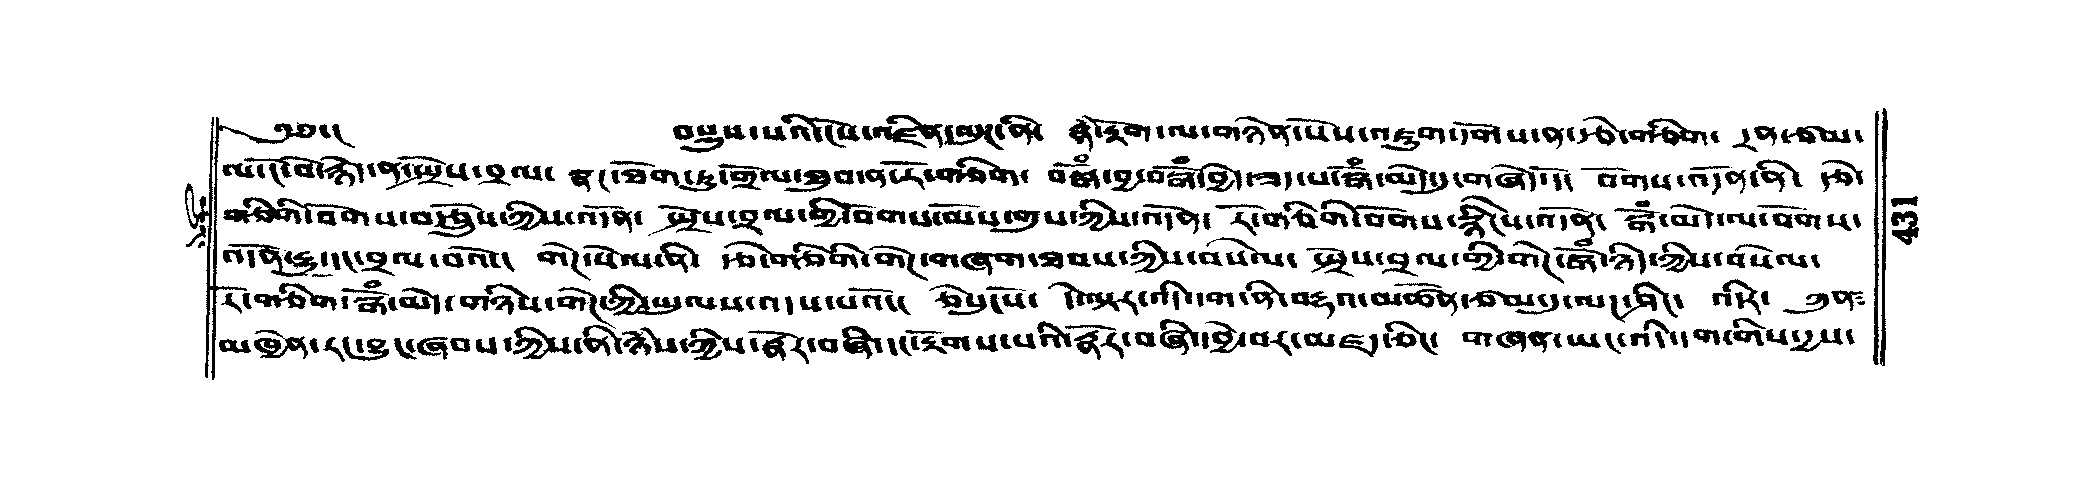བསྡུས་པའི་ངོས་འཛིན་མུ་སྟེགས་ནི། རྣམ་རྟོག་ལ་གཉེན་པོས་འཇུག་དགོས་ན་རྩེ་གཅིག་ དྲན་ཙམ་
ལ་ངོ་བོ་རྙེད་ན་སྤྲོས་བྲལ། སྣང་ཐོག་ཏུ་གྲོལ་ཐུབ་ན་རོ་གཅིག་བསྒོམ་བྱ་བསྒོམ་བྱེད་ཟད་པ་སྒོམ་མེད་དུ་བཞེད་དོ། བོགས་འདོན་ནི། རྩེ་
གཅིག་གི་བོགས་བརྩོན་འགྲུས་ཀྱིས་འདོན། སྤྲོས་བྲལ་གྱི་བོགས་མོས་གུས་ཀྱིས་འདོན། རོ་གཅིག་གི་བོགས་སྙིང་རྗེས་འདོན། སྒོམ་མེད་ལ་བོགས་
འདོན་རྒྱུ་དང་བྲལ་བའོ། གེགས་སེལ་ནི། རྩེ་གཅིག་གི་གེགས་གཞག་ཐབས་ཐབས་ཀྱིས་བསལ། སྤྲོས་བྲལ་གྱི་གེགས་སྒོམ་ཉིད་ཀྱི་བསལ། 
རོ་གཅིག་སྒོམ་མེད་གཉིས་གེགས་ཀྱི་ཡུལ་ལས་འདས་པའོ། ཅེས་གསུངས་སོ། དེ་ལྟར་འདི་དག་ནི་བརྡའ་མཚོན་ཙམ་དུ་ལགས་ཤིང་། འདིར་ ཀུན་
མཁྱེན་རང་བྱུང་ཞབས་ཀྱིས་ནི་ཉམས་ཀྱིས་རྣལ་འབྱོར་བཞི་དང་རྟོགས་པའི་རྣལ་འབྱོར་བཞི་དབྱེ་བར་མཛད་ཅིང་། གཞན་ཡང་འདི་དག་གིས་རྒྱས་